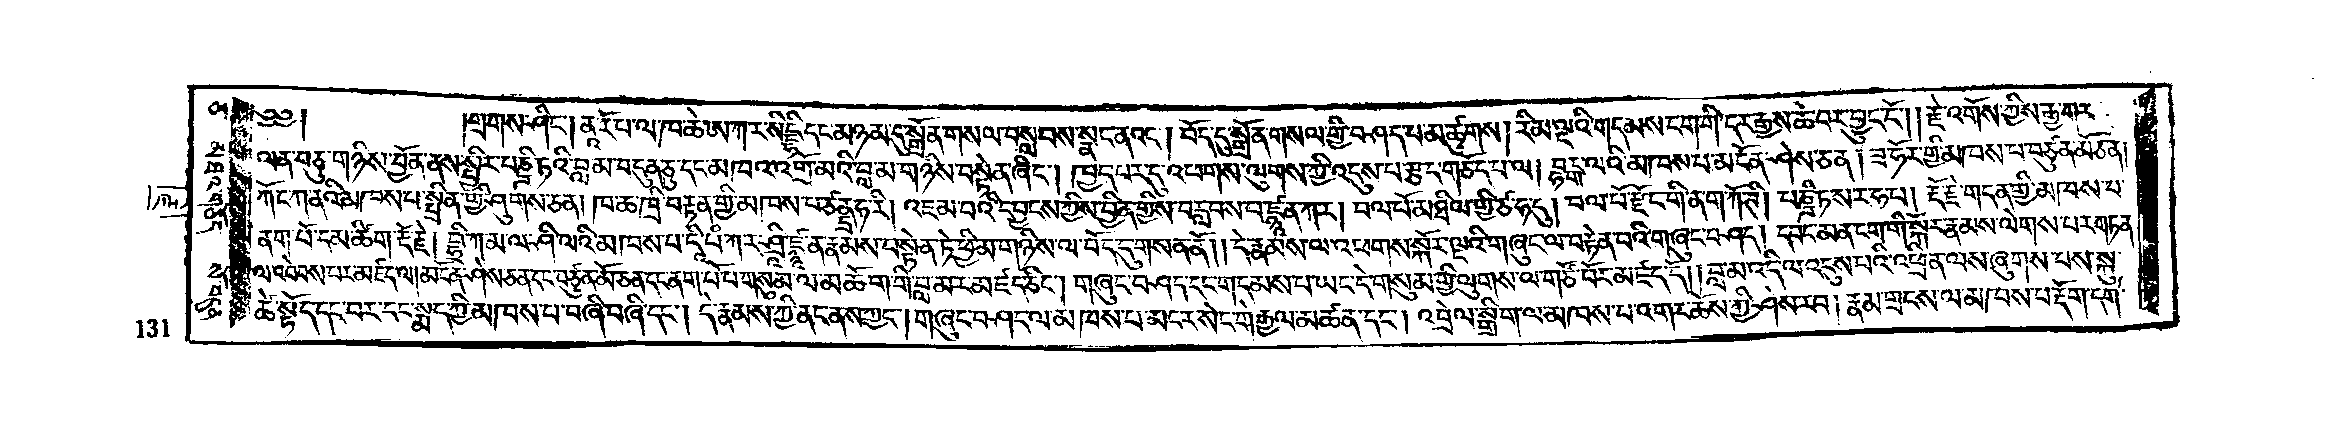༄༅། །གྲགས་ཤིང་། ནཱ་རོ་པ་ལ་ཁ་ཆེ་ཨ་ཀ་ར་སིདྡྷི་དང་མཉམ་དུ་སྒྲོན་གསལ་བསླབས་སྣང་ནའང་། བོད་དུ་སྒྲོན་གསལ་གྱི་བཤད་པ་མ་ཚུགས། རིམ་ལྔའི་གདམས་ངག་གི་དར་རྒྱས་ཆེ་བར་བྱུང་ངོ། །རྗེ་འགོས་ཀྱིས་རྒྱ་གར་དུ་
ལན་བཅུ་གཉིས་བྱོན་ནས་སྤྱིར་པཎྜི་ཏའི་བླ་མ་བདུན་ཅུ་དང་མཁའ་འགྲོ་མའི་བླ་མ་གཉིས་བསྟེན་ཞིང་། ཁྱད་པར་དུ་འཕགས་ལུགས་ཀྱི་འདུས་པ་རྩད་གཅོད་པ་ལ། བྷརྒ་ལའི་མཁས་པ་མངོན་ཤེས་ཅན། ཟ་ཧོར་གྱི་མཁས་པ་བཙུན་མོ་ཅན།
ཀོང་ཀ་ནའི་མཁས་པ་སྤྲིན་གྱི་ཤུགས་ཅན། ཁ་ཆ་ཁྲི་བརྟན་གྱི་མཁས་པ་ཙནྡྲ་ཧ་རི། འཇམ་པའི་དབྱངས་ཀྱིས་བྱིན་གྱིས་བརླབས་པ་ཛྙཱ་ན་ཀ་ར། བལ་པོ་མཐིལ་གྱི་ཙ་ཧ་དུ། བལ་པོ་རྫོང་གི་ན་ག་ཀོ་ཊི། པཎྜི་ཏ་ས་ར་ཧ་པ། རྡོ་རྗེ་གདན་གྱི་མཁས་པ་
ནག་པོ་དམ་ཚིག་རྡོ་རྗེ། བྷྲི་ཀ་མ་ལ་ཤི་ལའི་མཁས་པ་དཱི་པཾ་ཀ་ར་ཤྲཱི་ཛྙཱ་ན་རྣམས་བསྟེན་ཏེ་ཕྱི་མ་གཉིས་ལ་བོད་དུ་གསན་ནོ། །དེ་རྣམས་ལ་འཕགས་སྐོར་ལྔའི་གཞུང་ལ་བརྟེན་པའི་གཞུང་བཤད། དབང་མན་ངག་གི་སྐོར་རྣམས་ལེགས་པར་གཏན་
ལ་འབེབས་པར་མཛད་ལ། མངོན་ཤེས་ཅན་དང་བཙུན་མོ་ཅན་དང་ནག་པོ་པ་གསུམ་ལ་མཆོག་གི་བླ་མར་མཛད་ཅིང་། གཞུང་བཤད་དང་གདམས་པ་ཡང་དེ་གསུམ་གྱི་ལུགས་ལ་གཙོ་བོར་མཛད་དོ། །བླ་མ་འདི་ལ་འདུས་པའི་འཕྲིན་ལས་ཞུགས་པས་སྐུ་
ཚེ་སྟོད་དང་བར་དང་སྨད་ཀྱི་མཁས་པ་བཞི་བཞི་དང་། དེ་རྣམས་ཀྱི་ནང་ནས་ཀྱང་། གཞུང་བཤད་ལ་མཁས་པ་མང་ར་སེང་གེ་རྒྱལ་མཚན་དང་། འབྲེལ་སྒྲིག་ལ་མཁས་པ་འགར་ཆོས་ཀྱི་ཤེས་རབ། རྣམ་གྲངས་ལ་མཁས་པ་རྡོག་དགེ་